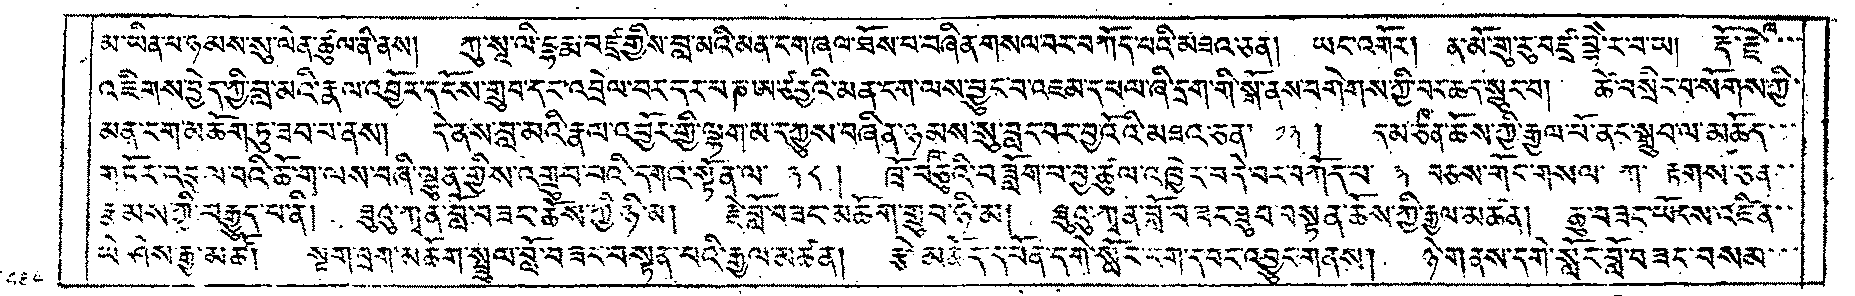མ་ཡིན་པ་ཉམས་སུ་ལེན་ཚུལ་ནི་ནས། ཀུ་སཱ་ལི་དྷརྨ་བཛྲ་གྱིས་བླ་མའི་མན་ངག་ཞལ་ཐོས་པ་བཞིན་གསལ་བར་བཀོད་པའི་མཐའ་ཅན། ཡང་འགོར། ན་མོ་གུ་རུ་བཛྲ་བྷཻ་ར་བ་ཡ། རྡོ་རྗེ་ཁ་
འཇིགས་བྱེད་ཀྱི་བླ་མའི་རྣལ་འབྱོར་དངོས་གྲུབ་དང་འབྲེལ་བར་དར་པཎ་ཨ་ཙ་རྱའི་མན་ངག་ལས་བྱུང་བ་འཇམ་དཔལ་ཞི་དྲག་གི་སྒོ་ནས་བགེགས་ཀྱི་བར་ཆད་སྲུང་བ། ཚེ་བསྲིང་བ་སོགས་ཀྱི་
རྨན་ངག་མཆོག་ཏུ་ཟབ་པ་ནས། དེ་ནས་བླ་མའི་རྣལ་འབྱོར་གྱི་ལྷག་མ་དཀྱུས་བཞིན་ཉམས་སུ་བླང་བར་བྱའོའི་མཐའ་ཅན ༡༢། དམ་ཅན་ཁ་ཆོས་ཀྱི་རྒྱལ་པོ་ནང་སྒྲུབ་ལ་མཆོད་
གཏོར་འབུལ་བའི་ཆོ་ག་ལས་བཞི་ལྷུན་གྱིས་འགྲུབ་པའི་དགའ་སྟོན་ལ ༢༨། ཁྲོ་བཅུའི་ཁ་བཟློག་པ་བྱ་ཚུལ་འཁྱེར་བདེ་བར་བཀོད་པ ༣་བཅས་གོང་གསལ་ཀ་རྟགས་ཅན་
རྣམས་ཀྱི་བརྒྱུད་པ་ནི། ཐུའུ་ཀྭ་ན་བློ་བཟང་ཆོས་ཀྱི་ཉི་མ། རྗེ་བློ་བཟང་མཆོག་གྲུབ་ཉི་མ། ཐུའུ་ཀྭན་བློ་བཟང་ཐུབ་བསྟན་ཆོས་ཀྱི་རྒྱལ་མཚན། ཆུ་བཟང་ཡོངས་འཛིན་
ཡེ་ཤེས་རྒྱ་མཚོ། སྟག་བྲག་མཆོག་སྤྲུལ་བློ་བཟང་བསྟན་པའི་རྒྱལ་མཚན། རྩེ་མཆོད་དཔོན་དགེ་སློང་ངག་དབང་འབྱུང་གནས། ཉེ་གནས་དགེ་སློང་བློ་བཟང་བསམ་